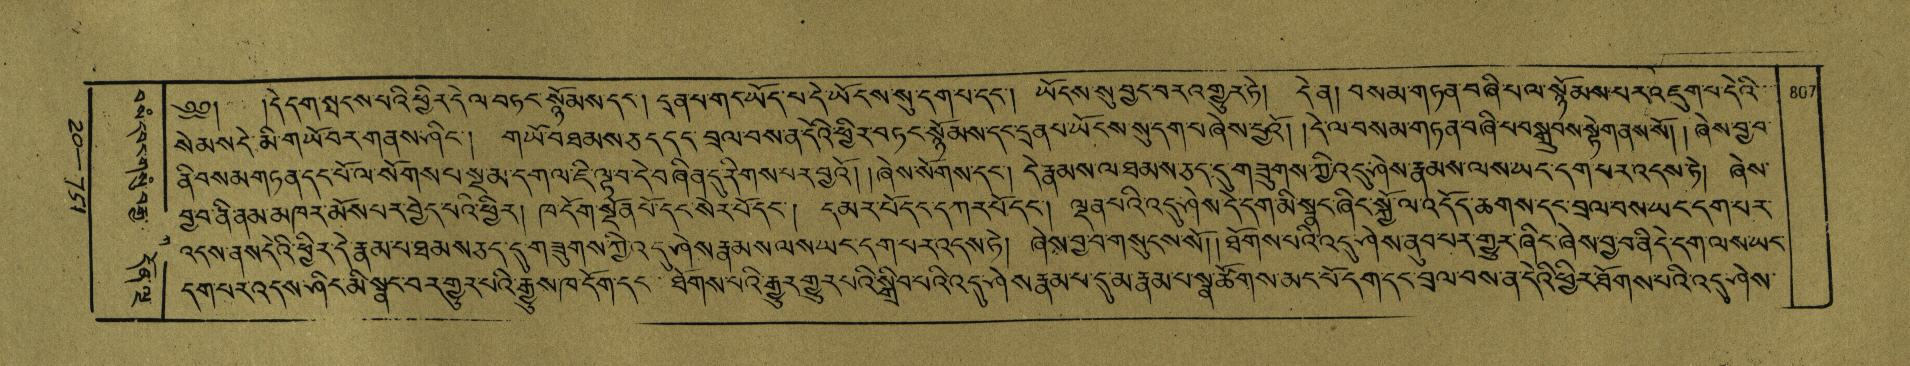༄༅། །དེ་དག་སྤངས་པའི་ཕྱིར་དེ་ལ་བཏང་སྙོམས་དང་། དྲན་པ་གང་ཡོད་པ་དེ་ཡོངས་སུ་དག་པ་དང་། ཡོངས་སུ་བྱང་བར་འགྱུར་ཏེ། དེ་ན། བསམ་གཏན་བཞི་པ་ལ་སྙོམས་པར་འཇུག་པ་དེའི་
སེམས་དེ་མི་གཡོ་བར་གནས་ཤིང་། གཡོ་བ་ཐམས་ཅད་དང་བྲལ་བས་ན་དེའི་ཕྱིར་བཏང་སྙོམས་དང་དྲན་པ་ཡོངས་སུ་དག་པ་ཞེས་བྱའོ། །དེ་ལ་བསམ་གཏན་བཞི་པ་བསྒྲུབས་སྟེ་གནས་སོ། །ཞེས་བྱ་བ་
ནི་བསམ་གཏན་དང་པོ་ལ་སོགས་པ་སྔ་མ་དག་ལ་ཇི་ལྟ་བ་དེ་བཞིན་དུ་རིགས་པར་བྱའོ། །ཞེས་སོགས་དང་། དེ་རྣམས་ལ་ཐམས་ཅད་དུ་གཟུགས་ཀྱི་འདུ་ཤེས་རྣམས་ལས་ཡང་དག་པར་འདས་ཏེ། ཞེས་
བྱ་བ་ནི་ནམ་མཁར་མོས་པར་བྱེད་པའི་ཕྱིར། ཁ་དོག་སྔོན་པོ་དང་སེར་པོ་དང་། དམར་པོ་དང་དཀར་པོ་དང་། ལྡན་པའི་འདུ་ཤེས་དེ་དག་མི་སྣང་ཞིང་སྐྱོ་ལ་འདོད་ཆགས་དང་བྲལ་བས་ཡང་དག་པར་
འདས་ནས་དེའི་ཕྱིར་དེ་རྣམ་པ་ཐམས་ཅད་དུ་གཟུགས་ཀྱི་འདུ་ཤེས་རྣམས་ལས་ཡང་དག་པར་འདས་ཏེ། ཞེས་བྱ་བ་གསུངས་སོ། །ཐོགས་པའི་འདུ་ཤེས་ནུབ་པར་གྱུར་ཞིང་ཞེས་བྱ་བ་ནི་དེ་དག་ལས་ཡང་
དག་པར་འདས་ཤིང་མི་སྣང་བར་གྱུར་པའི་རྒྱུས་ཁ་དོག་དང་ཐོགས་པའི་རྒྱུར་གྱུར་པའི་སྒྲིབ་པའི་འདུ་ཤེས་རྣམ་པ་དུ་མ་རྣམ་པ་སྣ་ཚོགས་མང་པོ་དག་དང་བྲལ་བས་ན་དེའི་ཕྱིར་ཐོགས་པའི་འདུ་ཤེས་